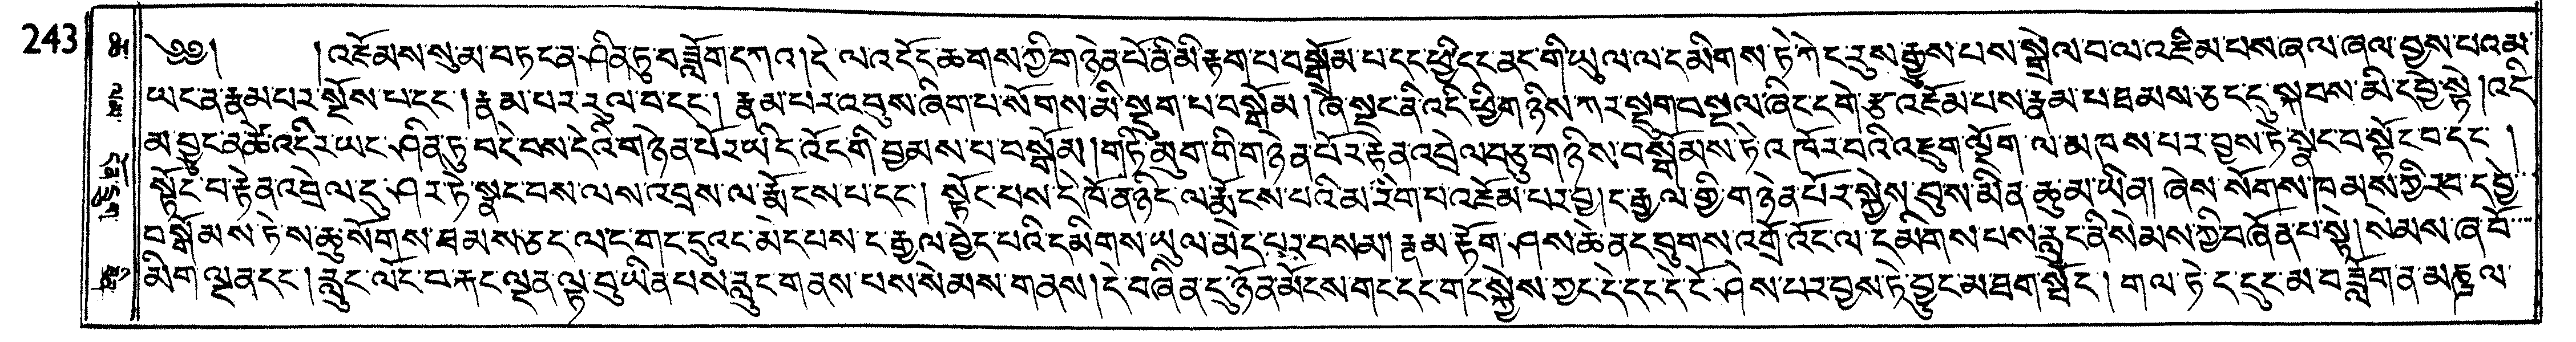༄༅། །འཇོམས་སུ་མ་བཏང་ན་ཤིན་ཏུ་བཟློག་དཀའ། དེ་ལ་འདོད་ཆགས་ཀྱི་གཉེན་པོ་ནི་མི་རྟག་པ་བསྒྲོམ་པ་དང་ཕྱི་དང་ནང་གི་ཡུལ་ལ་དམིགས་ཏེ་ཀེང་རུས་རྒྱུས་པས་སྒྲེལ་བ་ལ་འཇིམ་པས་ཞལ་ཞལ་བྱས་པའམ་
ཡང་ན་རྣམ་པར་སྔོས་པ་དང་། རྣམ་པར་རུལ་བ་དང་། རྣམ་པར་འབུས་ཞིག་པ་སོགས་མི་སྡུག་པ་བསྒོམ། ཞེ་སྡང་ནི་འདི་ཕྱི་གཉིས་ཀར་སྡུག་བསྔལ་ཞིང་དགེ་རྩ་འཇོམ་པས་རྣམ་པ་ཐམས་ཅད་དུ་སྐབས་མི་དབྱེ་སྟེ། འདི་
མ་བྱུང་ན་ཚེ་འདིར་ཡང་ཤིན་ཏུ་བདེ་བས་དེའི་གཉེན་པོར་ཡིད་འོང་གི་བྱམས་པ་བསྒོམ། གཏི་མུག་གི་གཉེན་པོར་རྟེན་འབྲེལ་བཅུ་གཉིས་བསྒོམས་ཏེ་འཁོར་བའི་འཇུག་ལྡོག་ལ་མཁས་པར་བྱས་ཏེ་སྣང་བ་སྟོང་བ་དང་།
སྟོང་བ་རྟེན་འབྲེལ་དུ་ཤར་ཏེ་སྣང་བས་ལས་འབྲས་ལ་རྨོངས་པ་དང་། སྟོང་པས་དེ་ཁོ་ན་ཉིད་ལ་རྨོངས་པའི་མ་རིག་པ་འཇོམ་པར་བྱ། ང་རྒྱལ་གྱི་གཉེན་པོར་སྐྱེས་བུ་ས་མིན་ཆུ་མ་ཡིན། ཞེས་སོགས་ཁམས་ཀྱི་རབ་དབྱེ་
བསྒོམས་ཏེ་ས་ཆུ་སོགས་ཐམས་ཅད་ལ་ང་གང་དུའང་མེད་པས་ང་རྒྱལ་བྱེད་པའི་དམིགས་ཡུལ་མེད་པར་བསམ། རྣམ་རྟོག་ཤས་ཆེ་ན་དབུགས་འགྲོ་འོང་ལ་དམིགས་པས་རླུང་ནི་སེམས་ཀྱི་བཞོན་པ་སྟེ། སེམས་ཞ་བོ་
མིག་ལྡན་དང་། རླུང་ལོང་བ་རྐང་ལྡན་ལྟ་བུ་ཡིན་པས་རླུང་གནས་པས་སེམས་གནས། དེ་བཞིན་དུ་ཉོན་མོངས་གང་དང་གང་སྐྱེས་ཀྱང་དེ་དང་དེ་ངོ་ཤེས་པར་བྱས་ཏེ་བྱུང་མ་ཐག་སྤོང་། གལ་ཏེ་ད་དུང་མ་བཟློག་ན་མཎྜ་ལ་